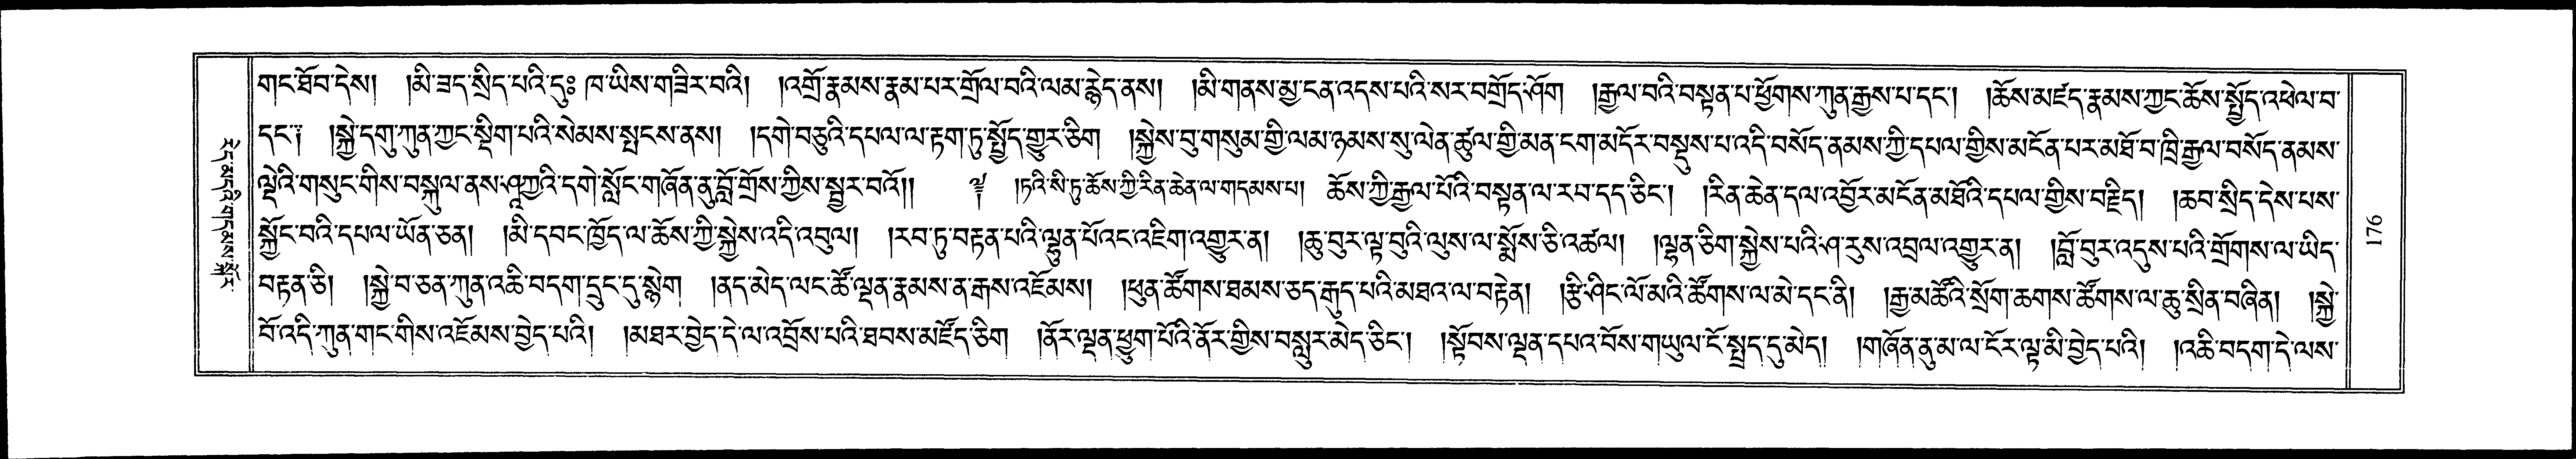གང་ཐོབ་དེས། །མི་ཟད་སྲིད་པའི་དུཿ ཁ་ཡིས་གཟིར་བའི། །འགྲོ་རྣམས་རྣམ་པར་གྲོལ་བའི་ལམ་རྙེད་ནས། །མི་གནས་མྱ་ངན་འདས་པའི་སར་བགྲོད་ཤོག །རྒྱལ་བའི་བསྟན་པ་ཕྱོགས་ཀུན་རྒྱས་པ་དང་། །ཆོས་མཛད་རྣམས་ཀྱང་ཆོས་སྤྱོད་འཕེལ་བ་
དང་། །སྐྱེ་དགུ་ཀུན་ཀྱང་སྡིག་པའི་སེམས་སྤངས་ནས། །དགེ་བཅུའི་དཔལ་ལ་རྟག་ཏུ་སྤྱོད་གྱུར་ཅིག །སྐྱེས་བུ་གསུམ་གྱི་ལམ་ཉམས་སུ་ལེན་ཚུལ་གྱི་མན་ངག་མདོར་བསྡུས་པ་འདི་བསོད་ནམས་ཀྱི་དཔལ་གྱིས་མངོན་པར་མཐོ་བ་ཁྲི་རྒྱལ་བསོད་ནམས་
ལྡེའི་གསུང་གིས་བསྐུལ་ནས་ཤཱཀྱའི་དགེ་སློང་གཞོན་ནུ་བློ་གྲོས་ཀྱིས་སྦྱར་བའོ།། ༈ །ཏའི་སི་ཏུ་ཆོས་ཀྱི་རིན་ཆེན་ལ་གདམས་པ། ཆོས་ཀྱི་རྒྱལ་པོའི་བསྟན་ལ་རབ་དད་ཅིང་། །རིན་ཆེན་དལ་འབྱོར་མངོན་མཐོའི་དཔལ་གྱིས་བརྗིད། ཆབ་སྲིད་དེས་པས་
སྐྱོང་བའི་དཔལ་ཡོན་ཅན། །མི་དབང་ཁྱོད་ལ་ཆོས་ཀྱི་སྐྱེས་འདི་འབུལ། །རབ་ཏུ་བརྟན་པའི་ལྷུན་པོའང་འཇིག་འགྱུར་ན། །ཆུ་བུར་ལྟ་བུའི་ལུས་ལ་སྨོས་ཅི་འཚལ། །ལྷན་ཅིག་སྐྱེས་པའི་ཤ་རུས་འབྲལ་འགྱུར་ན། །བློ་བུར་འདུས་པའི་གྲོགས་ལ་ཡིད་
བརྟན་ཅི། །སྐྱེ་བ་ཅན་ཀུན་འཆི་བདག་དྲུང་དུ་སྙེག །ནད་མེད་ལང་ཚོ་ལྡན་རྣམས་ན་རྒས་འཇོམས། །ཕུན་ཚོགས་ཐམས་ཅད་རྒུད་པའི་མཐའ་ལ་བརྟེན། །རྩི་ཤིང་ལོ་མའི་ཚོགས་ལ་མེ་དང་ནི། །རྒྱ་མཚོའི་སྲོག་ཆགས་ཚོགས་ལ་ཆུ་སྲིན་བཞིན། །སྐྱེ་
བོ་འདི་ཀུན་གང་གིས་འཇོམས་བྱེད་པའི། །མཐར་བྱེད་དེ་ལ་འབྲོས་པའི་ཐབས་མཛོད་ཅིག །ནོར་ལྡན་ཕྱུག་པོའི་ནོར་གྱིས་བསླུར་མེད་ཅིང་། །སྟོབས་ལྡན་དཔའ་བོས་གཡུལ་ངོ་སྤྲད་དུ་མེད། །གཞོན་ནུ་མ་ལ་ངོར་ལྟ་མི་བྱེད་པའི། །འཆི་བདག་དེ་ལས་